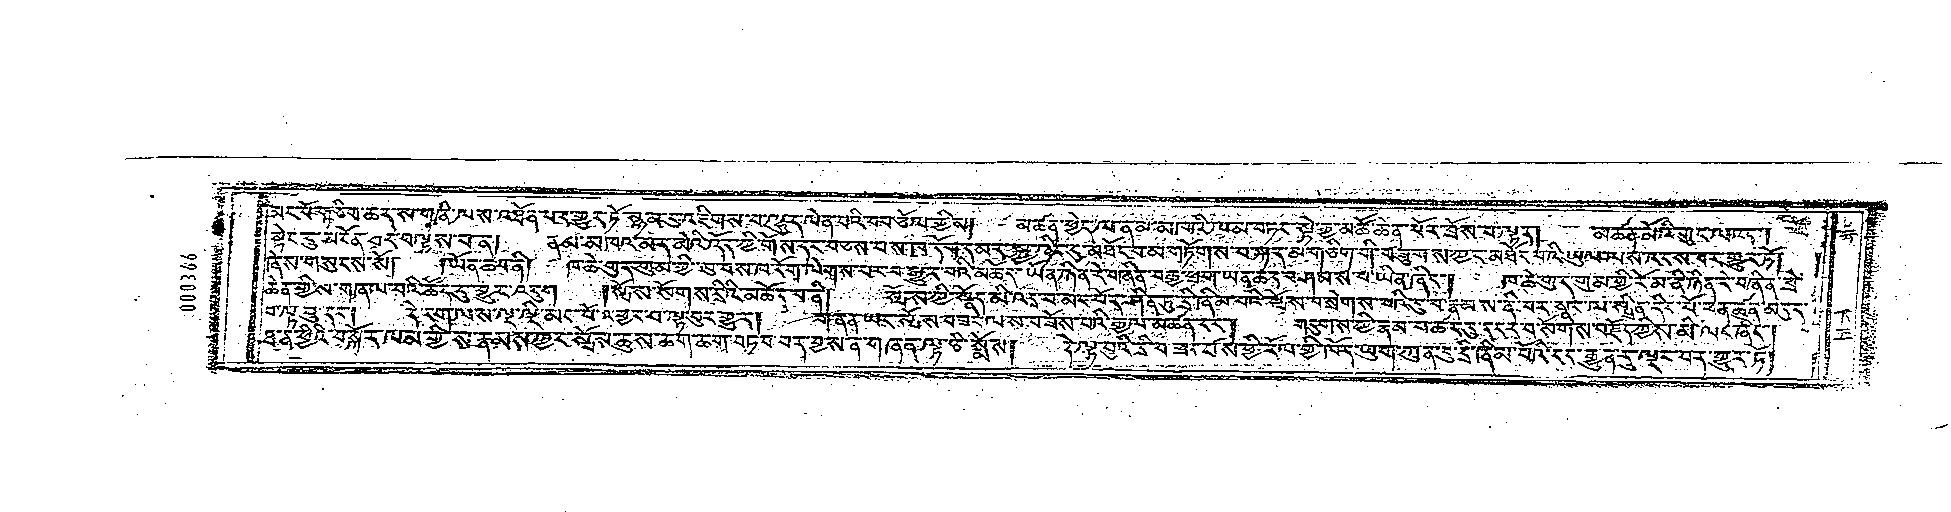མང་པོ་གཅིག་ཆར་ས་གཞི་ལས་འཐོན་པར་གྱུར་ཏོ་སྙམ་དུ་འཇིགས་པ་ལྷུར་ལེན་པའི་བབ་ཅོལ་གྱིས། མཚན་ཕྱེད་ལ་ནམ་མཁའི་ལམ་བཏང་སྟེ་རྒྱ་མཚོ་ཆེན་པོར་བྲོས་བ་ལྟར། མཚན་མོའི་གུང་ལའང་།
སྟེང་དུ་མངོན་བར་བལྟས་པ་ན། ནམ་མཁའ་མར་མེའི་འོད་ཀྱི་གོས་དང་བཅས་པས་ཁ་དོག་དམར་སྐྱ་ཉིད་དུ་མཐོང་བ་མ་གཏོགས་པ་སྐར་མ་གཅིག་གི་གཟུགས་ཀྱང་མཐོང་བའི་ཡུལ་ལས་འདས་བར་གྱུར་ཏོ། །
ཞེས་གསུངས་སོ། །ཡོན་ཆབ་ནི། ཁ་ཆེ་གུར་གུམ་གྱི་ཁུ་བས་ཁ་དོག་ལེགས་པར་བསྒྱུར་བའི་མཆོད་ཡོན་ཉིན་རེ་བཞིན་བརྒྱ་ཕྲག་ཡན་ཆད་བཤམས་པ་ཡིན་ཞིང་། ཁ་ཆེ་གུར་གུམ་གྱི་རོ་མ་ནི་ཉིན་རེ་བཞིན་བྲེ་
ཆེན་གྱིས་གཞལ་བའི་ཚོད་དུ་བྱུང་འདུག །སྤོས་སོགས་དྲིའི་མཆོད་པ་ནི། སྤོས་ཀྱི་སྣོད་མི་འདྲ་བ་མང་པོར་ཤིན་ཏུ་དྲི་ཞིམ་པའི་སྤོས་བསྲེགས་པའི་དུ་བ་རྣམས་ནི་བར་སྣང་ལ་སྤྲིན་རིང་པོ་ཕན་ཚུན་མདུད་
བ་ལྟ་བུ་དང་། དེ་དག་ལས་ལྔ་ལྡི་མང་པོ་འཕྱང་བ་ལྟ་བུར་གྱུར། གཞན་ཡང་སྤོས་བཟང་ལས་བཟོས་པའི་རྒྱལ་མཚན་དང་། གདུགས་ཀྱི་རྣམ་བ་ཚར་དུ་དངར་བ་སོགས་བརྗོད་ཀྱིས་མི་ལང་ཞིང་།
ཐ་ན་ཕྱིའི་བསྐོར་ལམ་གྱི་ས་རྣམས་ཀྱང་སྤོས་ཆུས་ཆག་ཆག་བཏབ་བར་བྱས་ན་གཞན་ལྟ་ཅི་སྨོས། དེ་ལྟ་བུའི་དྲི་བཟང་པོས་ཕྱི་རོལ་གྱི་ཁོར་ཡུག་ཀུན་དུ་དྲི་ཞིམ་བོའི་དང་རྒྱུན་རུ་ལྡང་བར་གྱུར་ཏོ། །